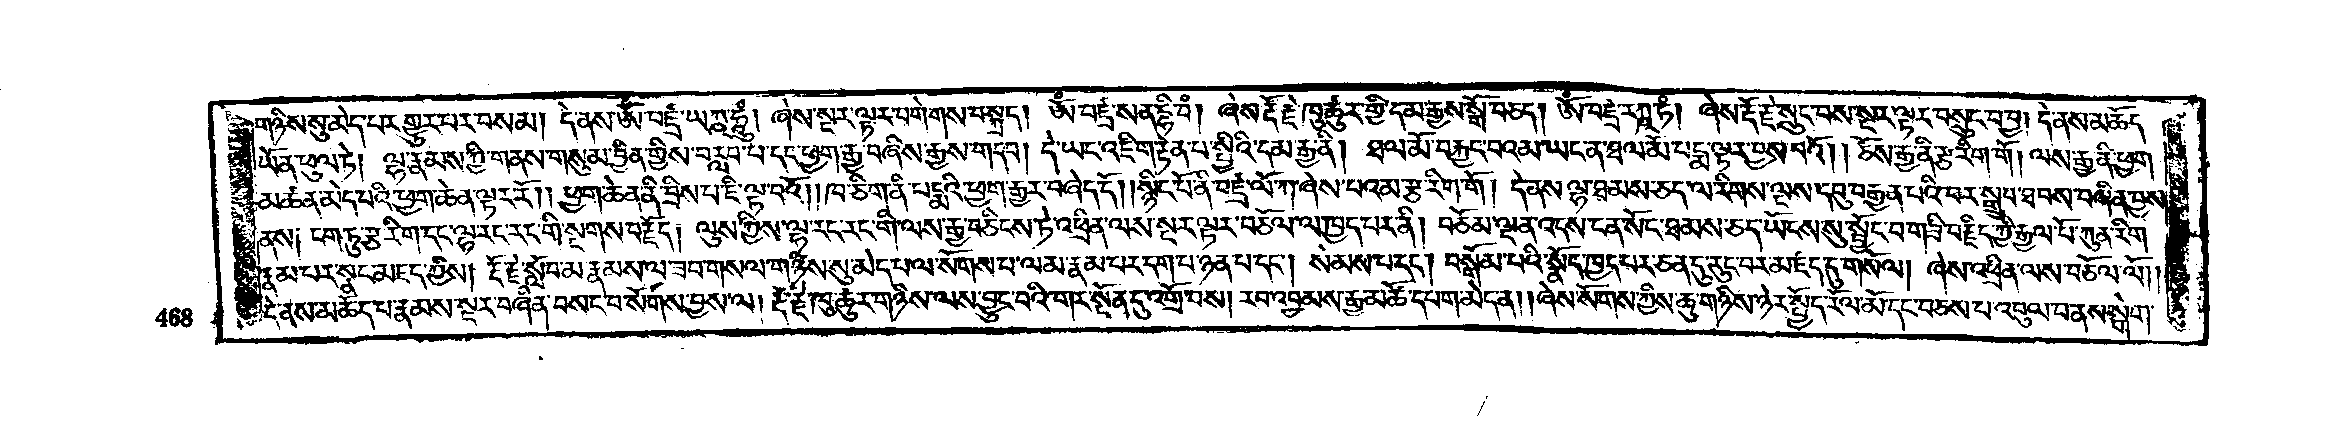གཉིས་སུ་མེད་པར་གྱུར་པར་བསམ། དེ་ནས་ཨོཾ་བཛྲ་ཡཀྵ་ཧཱུཾ། ཞེས་སྔར་ལྟར་བགེགས་བསྐྲད། ཨོཾ་བཛྲ་སན་དྷི་བཾ། ཞེས་རྡོ་རྗེ་ཁུ་ཚུར་གྱི་དམ་རྒྱས་སྒོ་བཅད། ཨོཾ་བཛྲ་རཀྵ་ཧཾ། ཞེས་རྡོ་རྗེ་སྲུང་བས་སྔར་ལྟར་བསྲུང་བ་བྱ། དེ་ནས་མཆོད་
ཡོན་ཕུལ་ཏེ། ལྷ་རྣམས་ཀྱི་གནས་གསུམ་བྱིན་གྱིས་བརླབ་པ་དང་ཕྱག་རྒྱ་བཞིས་རྒྱས་གདབ། དེ་ཡང་འཇིག་རྟེན་པ་སྤྱིའི་དམ་རྒྱ་ནི། ཐལ་མོ་བརྐྱང་བའམ་ཡང་ན་ཐལ་མོ་པདམ་ལྟར་བྱས་པའོ། །ཆོས་རྒྱ་ནི་རྩ་རིག་གོ །ལས་རྒྱ་ནི་ཕྱག་
མཚན་མེད་པའི་ཕྱག་ཆེན་ལྟར་རོ། །ཕྱག་ཆེན་ནི་བྲིས་པ་ཇི་ལྟ་བའོ། །ཁ་ཅིག་ནི་པདམའི་ཕྱག་རྒྱར་བཞེད་དོ། །སྙིང་པོ་ནི་བཛྲ་ལོ་ཀ་ཞེས་པའམ་རྩ་རིག་གོ །དེ་ནས་ལྷ་ཐམས་ཅད་ལ་རིགས་ལྔས་དབུ་བརྒྱན་པའི་བར་སྒྲུབ་ཐབས་བཞིན་བྱས་
ནས། ངག་ཏུ་རྩ་རིག་དང་ལྷ་རང་རང་གི་སྔགས་བརྗོད། ལུས་ཀྱིས་ལྷ་རང་རང་གི་ལས་རྒྱ་བཅིངས་ཏེ་འཕྲིན་ལས་སྔར་ལྟར་བཅོལ་ལ་ཁྱད་པར་ནི། བཅོམ་ལྡན་འདས་ངན་སོང་ཐམས་ཅད་ཡོངས་སུ་སྦྱོང་བ་གཟི་བརྗིད་ཀྱི་རྒྱལ་པོ་ཀུན་རིག་
རྣམ་པར་སྣང་མཛད་ཀྱིས། རྡོ་རྗེ་སློབ་མ་རྣམས་ལ་ཟབ་གསལ་གཉིས་སུ་མེད་པ་ལ་སོགས་པ་ལམ་རྣམ་པར་དག་པ་ཉན་པ་དང་། སེམས་པ་དང་། བསྒོམ་པའི་སྣོད་ཁྱད་པར་ཅན་དུ་རུང་བར་མཛད་དུ་གསོལ། ཞེས་འཕྲིན་ལས་བཅོལ་ལོ། །
དེ་ནས་མཆོད་པ་རྣམས་སྔར་བཞིན་བསང་བ་སོགས་བྱས་ལ། རྡོ་རྗེ་ཁུ་ཚུར་གཉིས་ལས་བྱུང་བའི་གར་སྔོན་དུ་འགྲོ་བས། རབ་འབྱམས་རྒྱ་མཚོ་དཔག་མེད་ན། །ཞེས་སོགས་ཀྱིས་ཆུ་གཉིས་ཉེར་སྤྱོད་རོལ་མོ་དང་བཅས་པ་འབུལ་བ་ནས་སྒེག་